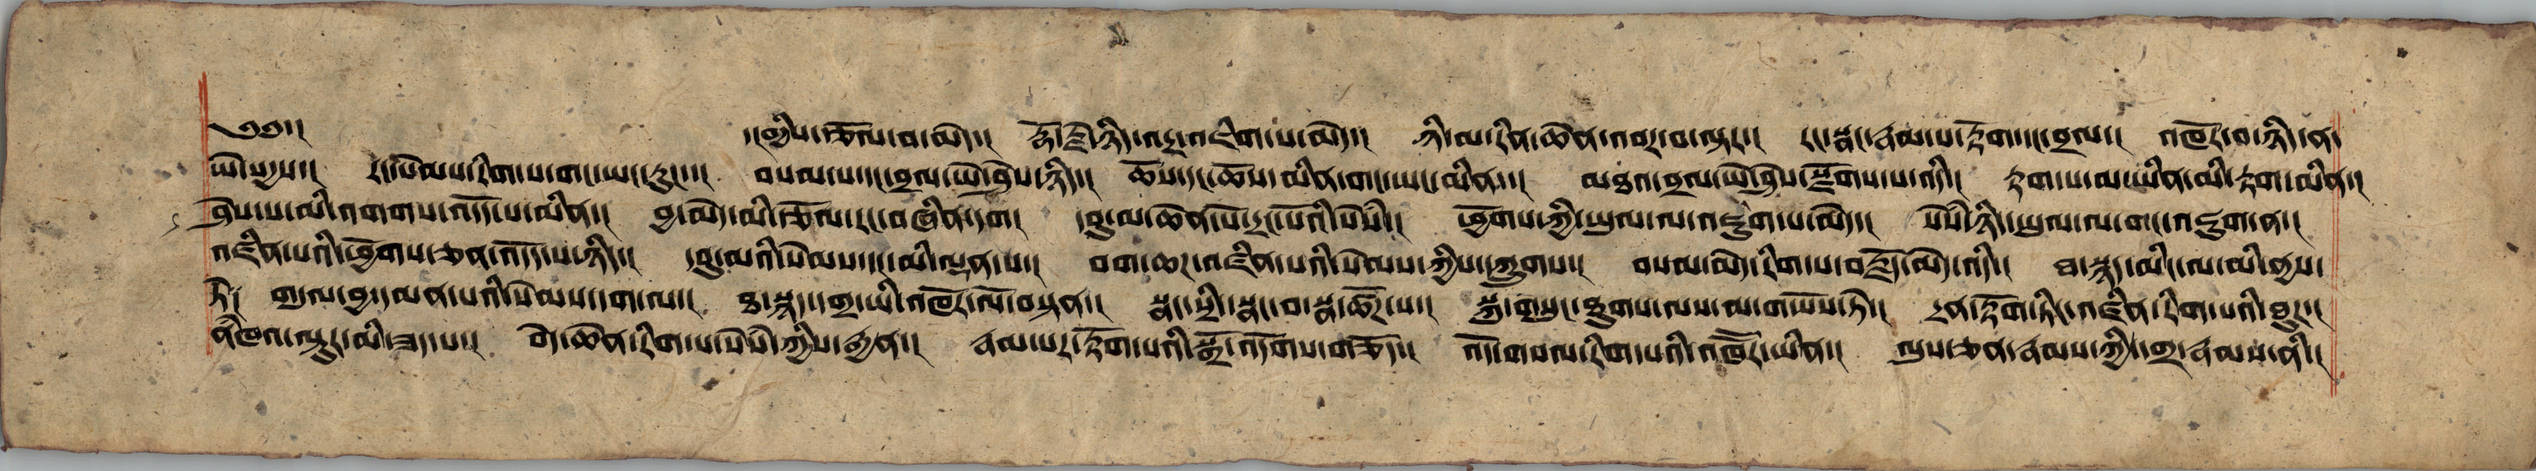༄༅་། ་།གྱིས་རྩོལ་བ་མེད་། རྡོ་རྗེ་ཉིད་འདྲ་འཇིག་པ་མེད་། ཉི་མ་རིན་་ཆེན་འབར་བ་ལྟར་། རང་སྣང་རྣམ་པ་རྟོག་དང་བྲལ་། འཁོར་བ་ཉིད་ན་
ཡེ་སདྱས་། རེད་སེམས་རིག་པ་གང་ཡང་རུང་། བསམ་པ་དང་བྲལ་ཡེ་ཤེས་ཉིད་། ཆོས་དང་ཆོས་མིན་གང་ཡང་མིན་། མཐའ་བྲལ་ཡེ་ཤེས་སྫོགས་པ་འདི་། རྟག་པ་མ་ཡིན་མི་རྟག་མིན་།
ཤེས་པ་མི་འགགས་འདདོ་པ་མིན་། བྱ་མེད་མི་རྩོལ་རང་བཞིན་དག་། དབུ་མ་ཆེན་པོ་དྲང་པོའི་སེསཾ་། ཕྱོགས་ཀྱི་ཡུལ་ལ་འཇུག་པ་མེད་། སེསཾ་ཉིད་ཡུལ་ལ་གང་འཇུག་ན་།
འཛིན་པའི་ཕྱོགས་ཅན་འདོད་པ་ཉིད། དབུ་མའི་སེམས་དང་མི་ལྡན་པ་། བག་ཆཌ་འཛིན་པའི་སེམས་ཀྱིས་དཀྲུགས་། བསམ་མེད་རིག་པ་བརྗོད་མེད་འདི་། ཐ་སྙད་མིང་ལ་མི་ནྱས་
ཏེ། གདུལ་བྱ་དམན་པའི་སེམས་དག་ལ་། ཐ་སྙད་དགྲ་ཡི་འཁོར་ལོ་བསྟན་། སྣང་སྲིད་སྣང་བ་སྣ་ཚོཌ་པ་། སྐུ་གསུང་ཐུགས་ལས་མ་གཡོས་ཏེ་། དྲན་རྟོག་ཏིང་འཛིན་རིག་པའི་ཐུཌ་།
ནཾཁའ་ལྟུར་མི་ཟད་པ་། བདེ་ཆེན་རིག་པ་སེཾས་ཀྱིས་རྒྱན་། རྣམ་པར་རྟོག་པའི་སྒྲོ་འདོགས་གཅོད་། འོད་གསལ་རིག་པའི་འཁཽར་ཡིན་། ལུས་ཅན་རྣམས་ཀྱི་དགྲ་རྣམས་ནི་།